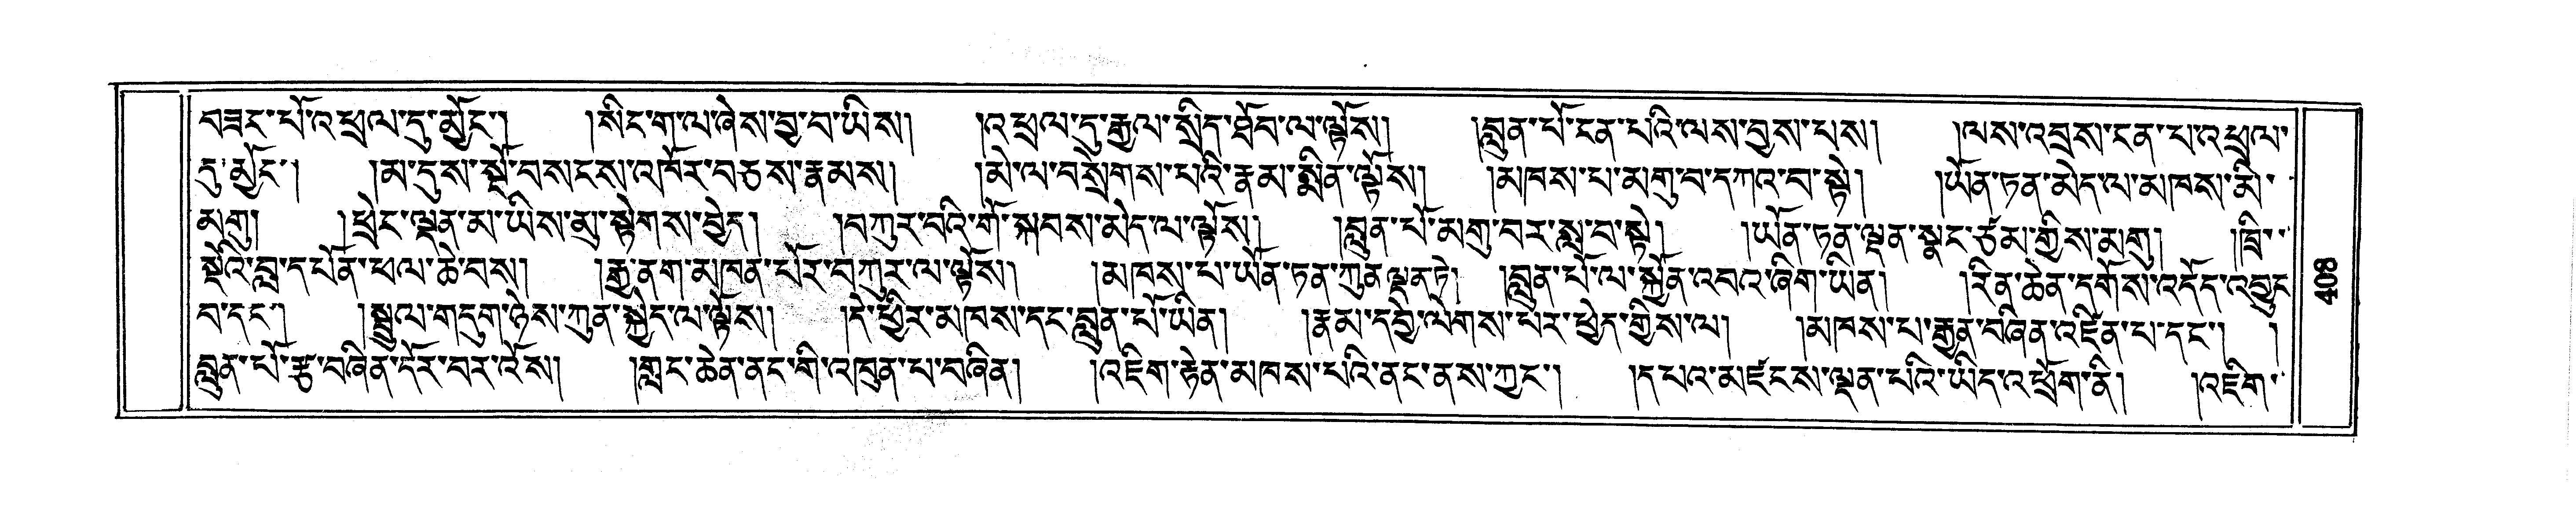བཟང་པོ་འཕྲལ་དུ་མྱོང་། །སིང་ག་ལ་ཞེས་བྱ་བ་ཡིས། །འཕྲལ་དུ་རྒྱལ་སྲིད་ཐོབ་ལ་ལྟོས། །བླུན་པོ་ངན་པའི་ལས་བྱས་པས། །ལས་འབྲས་ངན་པ་འཕྲལ་
དུ་མྱོང་། །མ་དུས་སྔོ་བསངས་འཁོར་བཅས་རྣམས། །མེ་ལ་བསྲེགས་པའི་རྣམ་སྨིན་ལྟོས། །མཁས་པ་མགུ་བ་དཀའ་བ་སྟེ། །ཡོན་ཏན་མེད་ལ་མཁས་མི་
མགུ། །ཕྲེང་ལྡན་མ་ཡིས་མུ་སྟེགས་བྱེད། །བཀུར་བའི་གོ་སྐབས་མེད་ལ་ལྟོས། །བླུན་པོ་མགུ་བར་སླ་བ་སྟེ། །ཡོན་ཏན་ལྡན་སྣང་ཙམ་གྱིས་མགུ། །ཁྲི་
སྡེའི་བླ་དཔོན་ཕལ་ཆེ་བས། །རྒྱ་ནག་མཁན་པོར་བཀུར་ལ་ལྟོས། །མཁས་པ་ཡོན་ཏན་ཀུན་ལྡན་ཏེ། །བླུན་པོ་ལ་སྐྱོན་འབའ་ཞིག་ཡིན། །རིན་ཆེན་དགོས་འདོད་འབྱུང་
བ་དང་། །སྦྲུལ་གདུག་ཉེས་ཀུན་སྐྱེད་ལ་ལྟོས། །དེ་ཕྱིར་མཁས་དང་བླུན་པོ་ཡིན། །རྣམ་དབྱེ་ལེགས་པར་ཕྱེད་གྱིས་ལ། །མཁས་པ་རྒྱན་བཞིན་འཛིན་པ་དང་། །
བླུན་པོ་རྩ་བཞིན་དོར་བར་འོས། །གླང་ཆེན་ནང་གི་འཁུན་པ་བཞིན། །འཇིག་རྟེན་མཁས་པའི་ནང་ནས་ཀྱང་། །དཔའ་མཛངས་ལྡན་པའི་ཡིད་འཕྲོག་ནི། །འཇིག་